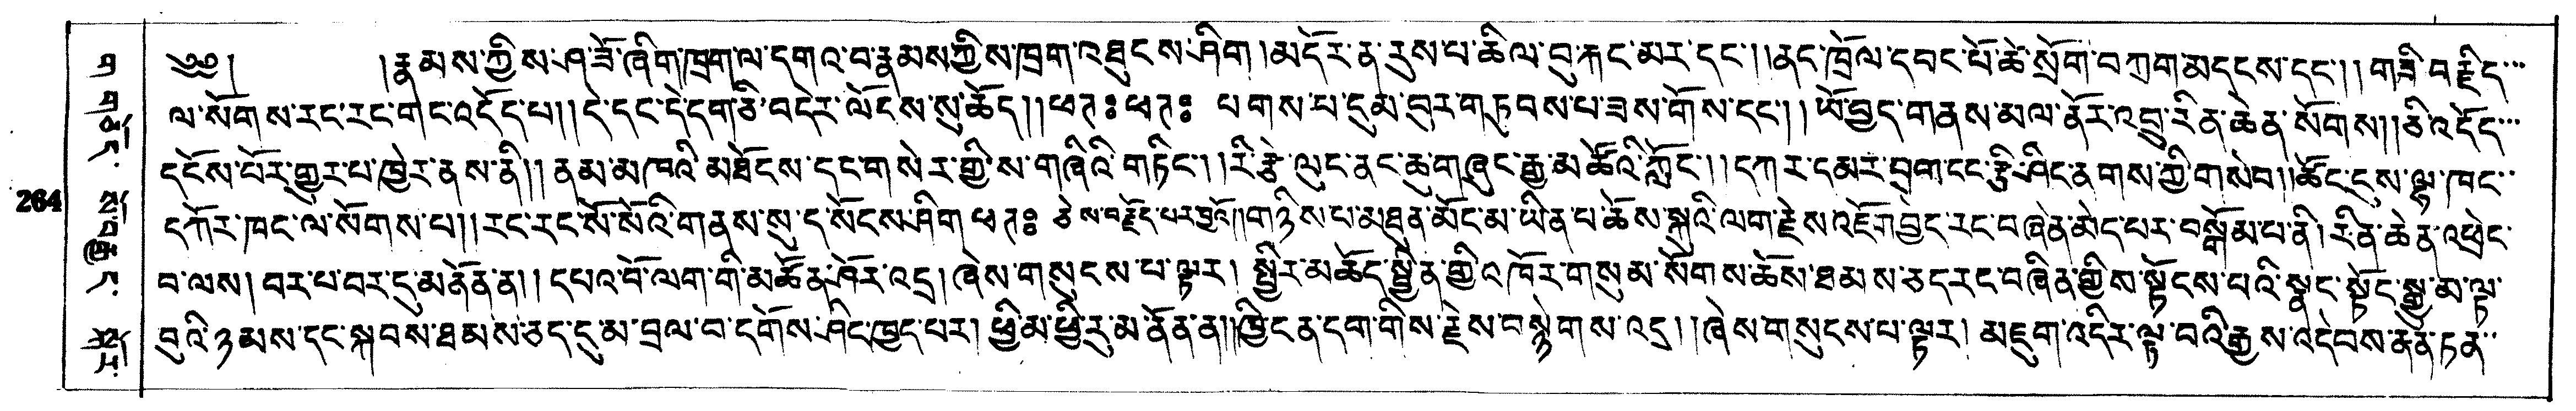༄༅། །རྣམས་ཀྱིས་ཤ་ཟོ་ཞིག་ཁྲག་ལ་དགའ་བ་རྣམས་ཀྱིས་ཁྲག་འཐུངས་ཤིག །མདོར་ན་རུས་པ་ཆིལ་བུ་རྐང་མར་དང་། །ནང་ཁྲོལ་དབང་པོ་ཚེ་སྲོག་བཀྲག་མདངས་དང་། །གཟི་བརྗིད་
ལ་སོགས་རང་རང་གང་འདོད་པ། །དེ་དང་དེ་དག་ཅི་བདེར་ལོངས་སུ་ཆོད། །ཕཊཿ ཕཊཿ པགས་པ་དུམ་བུར་གཏུབས་པ་ཟས་གོས་དང་། །ཡོ་བྱད་གནས་མལ་ནོར་འབྲུ་རིན་ཆེན་སོགས། །ཅི་འདོད་
དངོས་པོར་གྱུར་པ་ཁྱེར་ནས་ནི། །ནམ་མཁའི་མཐོངས་དང་གསེར་གྱི་ས་གཞིའི་གཏིང་། །རི་རྩེ་ལུང་ནང་ཆུ་གཞུང་རྒྱ་མཚོའི་ཀློང་། །དཀར་དམར་བྲག་དང་རྩི་ཤིང་ནགས་ཀྱི་གསེབ། །ཚོང་དུས་ལྷ་ཁང་
དཀོར་ཁང་ལ་སོགས་པ། །རང་རང་སོ་སོའི་གནས་སུ་ད་སོངས་ཤིག་ཕཊཿ ཅེས་བརྗོད་པར་བྱའོ། །གཉིས་པ་མཐུན་མོང་མ་ཡིན་པ་ཆོས་སྐུའི་ལག་རྗེས་འཇོག་བྱེད་རང་བཞེན་མེད་པར་བསྒོམ་པ་ནི། རིན་ཆེན་འཕྲེང་
བ་ལས། བར་པ་བར་དུ་མནོན་ན། །དཔའ་བོ་ལག་གི་མཚོན་ཤོར་འདྲ། ཞེས་གསུངས་པ་ལྟར། སྤྱིར་མཆོད་སྦྱིན་གྱི་འཁོར་གསུམ་སོགས་ཆོས་ཐམས་ཅད་རང་བཞིན་གྱིས་སྟོངས་པའི་སྣང་སྟོང་སྒྱུ་མ་ལྟ་
བུའི་ཉམས་དང་སྐབས་ཐམས་ཅད་དུ་མ་བྲལ་བ་དགོས་ཤིང་ཁྱད་པར། ཕྱི་མ་ཕྱི་རུ་མ་ནོན་ན། །ཁྱི་ངན་དག་གིས་རྗེས་བསྙེགས་འདྲ། །ཞེས་གསུངས་པ་ལྟར། མཇུག་འདིར་ལྟ་བའི་རྒྱས་འདེབས་ནན་ཏན་